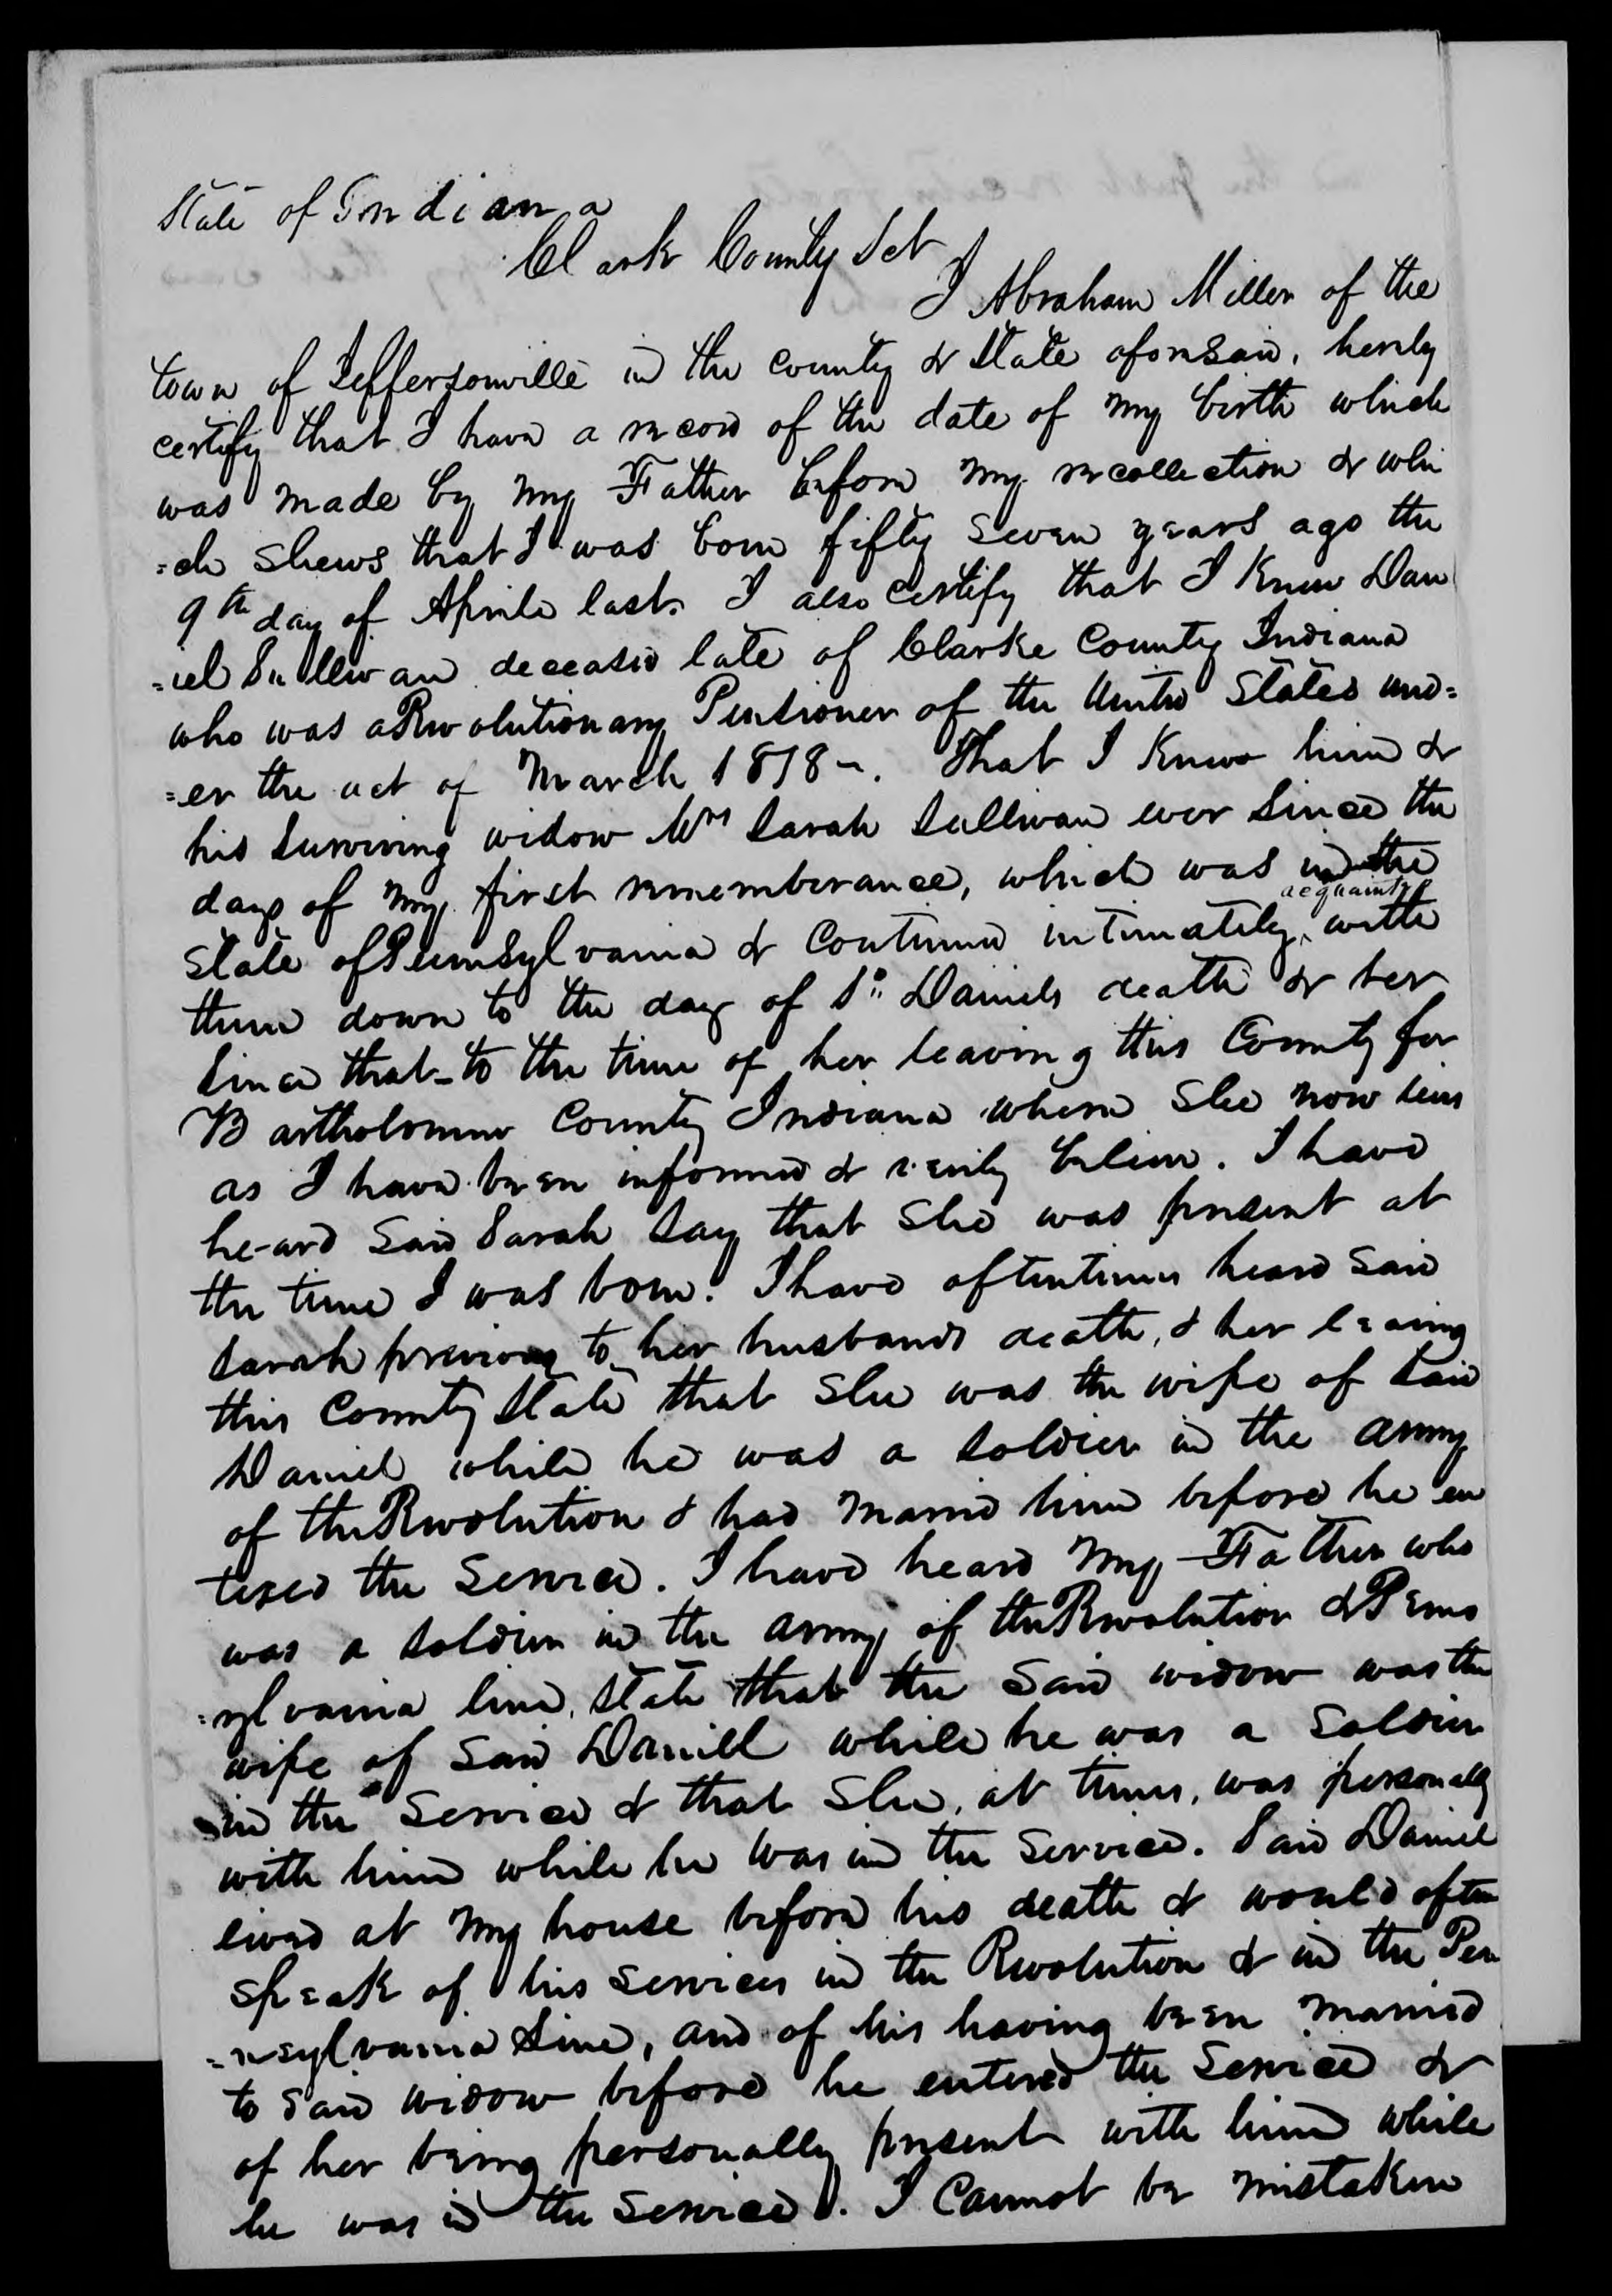State of Indiana Clark County Sct
I Abraham Miller of the town of Jeffersonville in the County & State aforesaid, hereby certify that I have a record of the date of my birth which was made by my Father before my recollection & which shews that I was born fifty seven years ago the 9th day of April last. I also certify that I knew Daniel Sullivan deceased late of Clark County Indiana who was a Revolutionary Pensioner of the United States under the act of March 1878 -. That I knew him & his surviving widow Mrs Sarah Sullivan ever since the days of my first remembrance, which was in the State of Pennsylvania & continued intimately acquaint with them down to the day of Sd Daniels death & her since that - to the time of her leaving this County for Bartholomew County Indiana where she now lives as I have been informed & verily believe. I have heard said Sarah say that she was present at the time I was born. I have oftentimes heard said Sarah previous to her husbands death, & her leaving this County State that she was the wife of said Daniel while he was a soldier in the army of the Revolution & had married him before he entered the Service. I have heard my Father who was a soldier in the army of the Revolution & Pennsylvania line, state that the said widow was the wife of said Daniel while he was a soldier in the Service & that she, at times, was personally with him while he was in the Service. Said Daniel lived at my house before his death & would often speak of his services in the Revolution & in the Pennsylvania Line, and of his having been married to said widow before he entered the Service & of her being personally present with him while he was in the service. I cannot be mistaken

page: 12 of 78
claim: widow's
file: W. 25,169, for Daniel Sullivan, Maryland